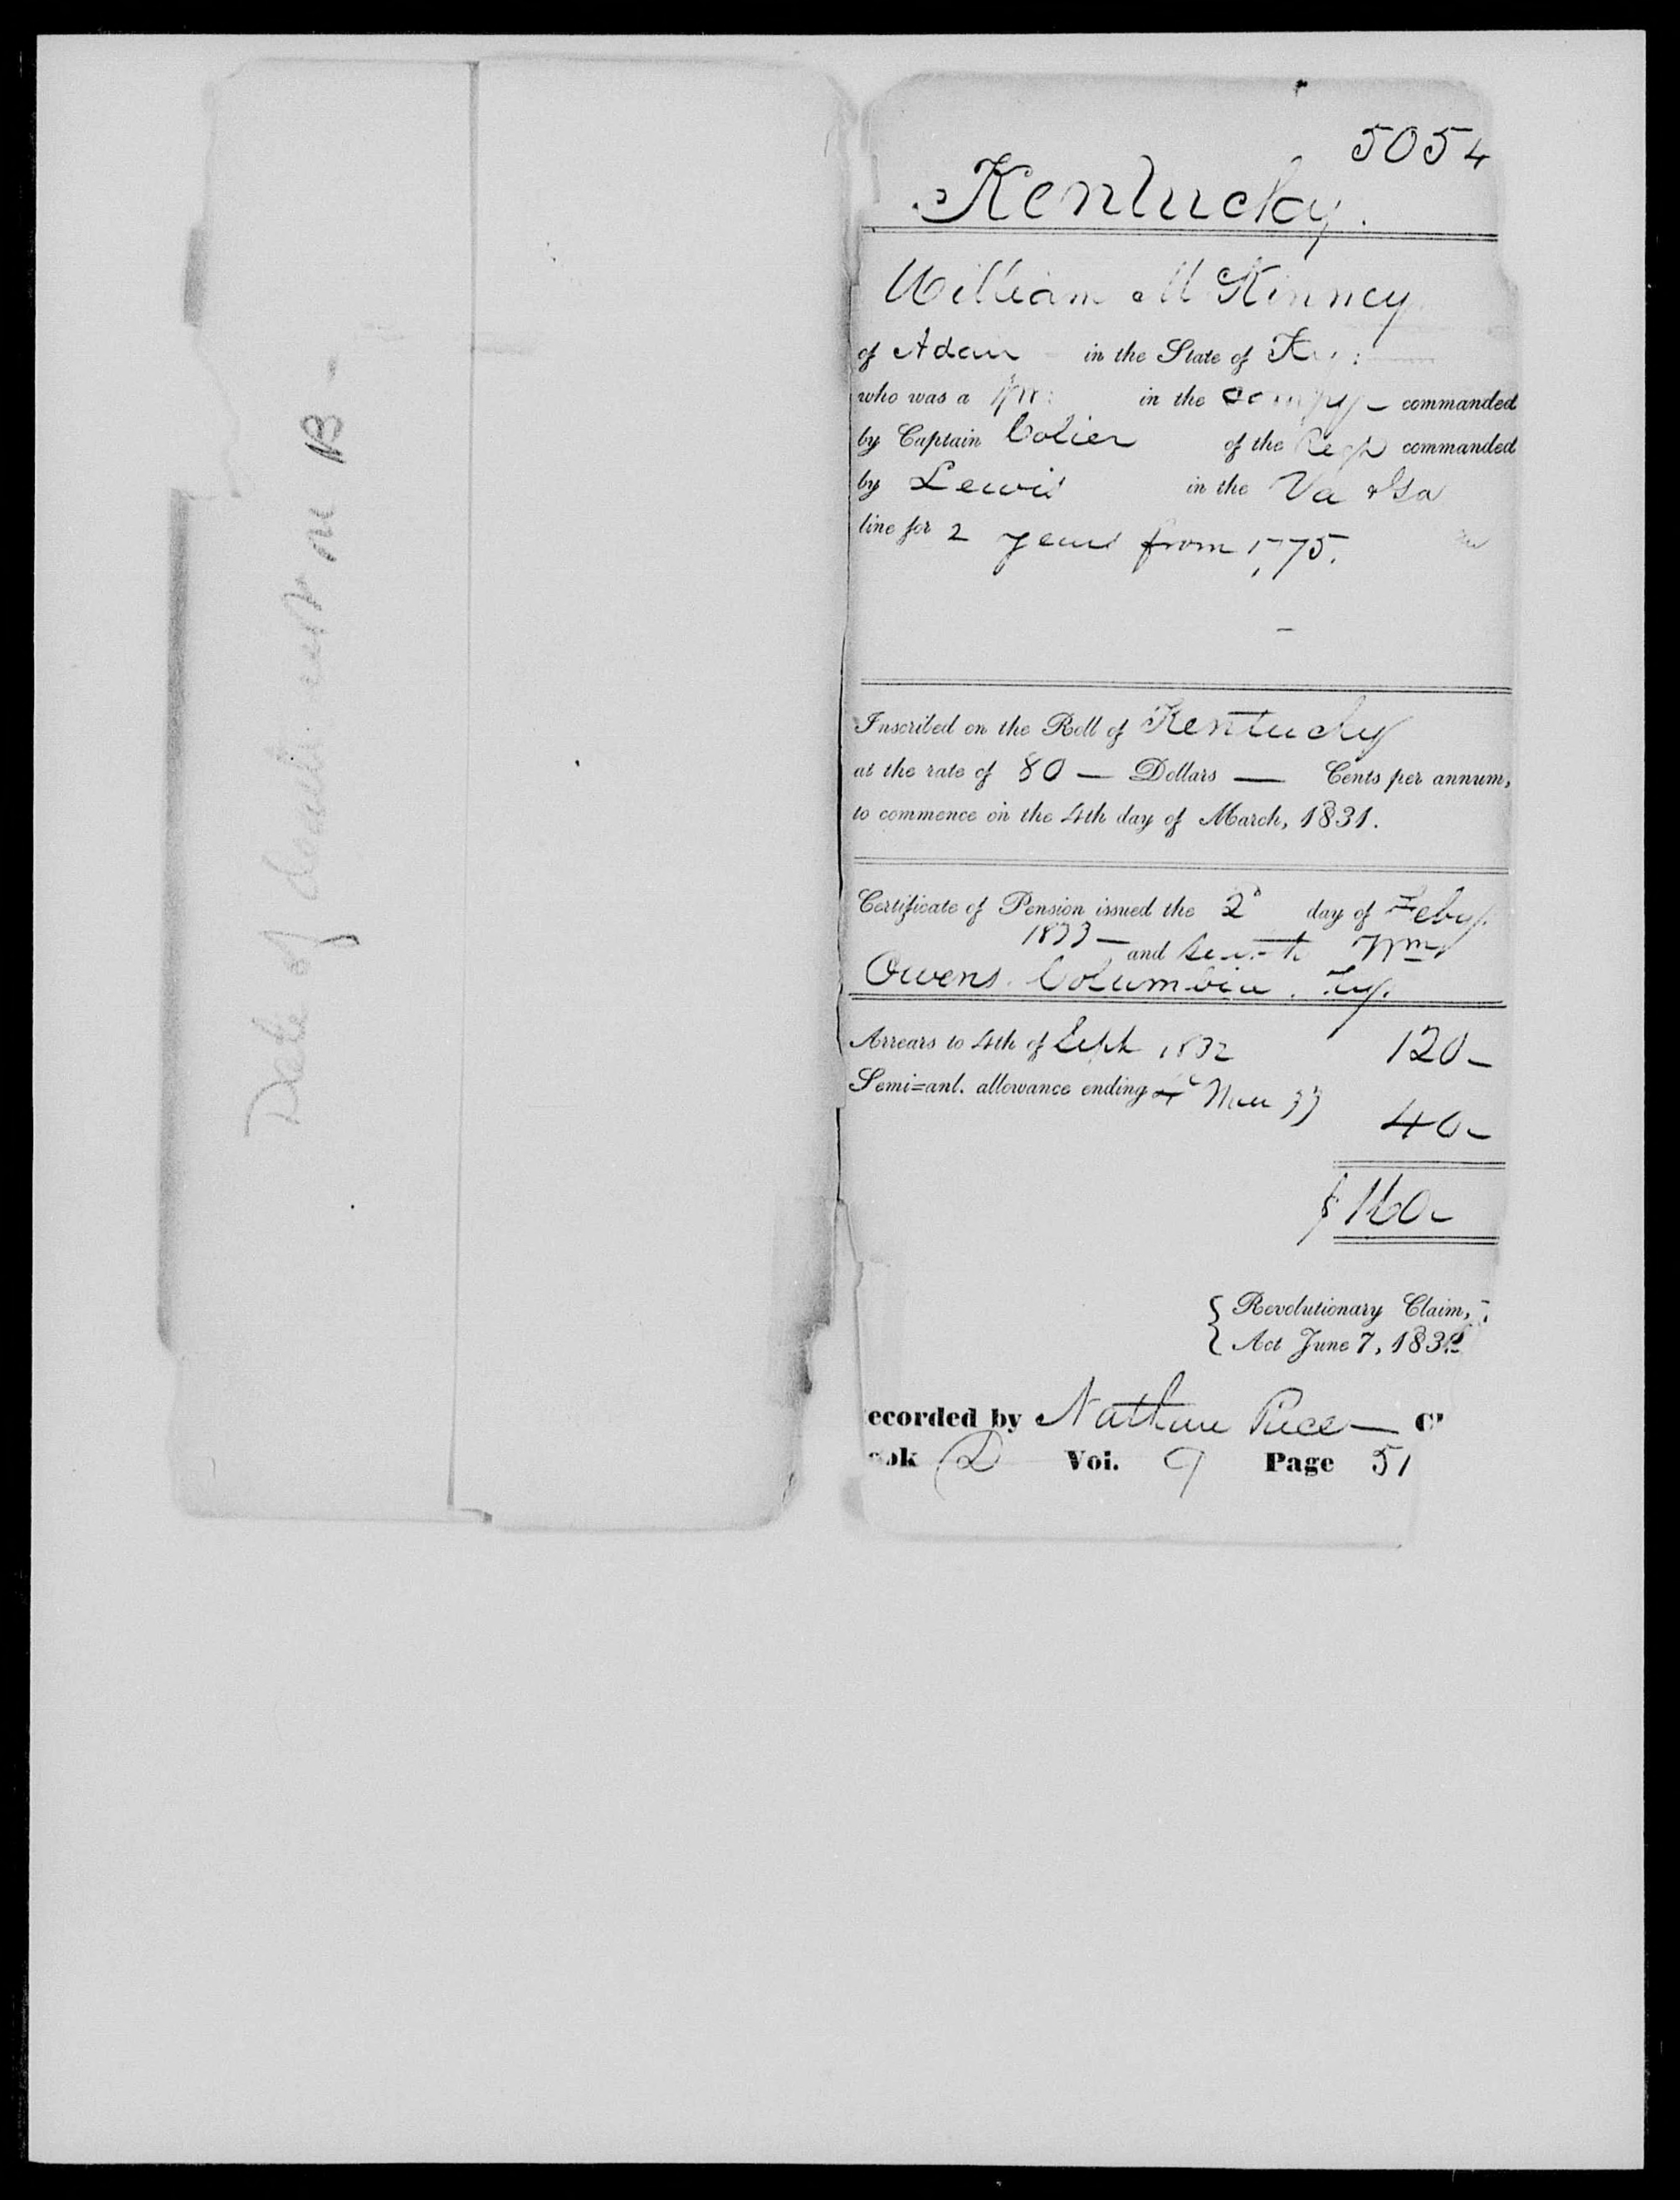Date of death [illegible]

Kentucky. 5054
William McKinney
of Adair in the state of Ky
who was a Pvt in the company commanded by Captain Colier of the Regt commanded by Lewis in the Va & Ga line for 2 years from 1775 
Inscribed on the Roll of Kentucky
at the rate of 80- Dollars - Cents per annum, to commence on this 4th day of March, 1831
Certificate of Pension issued the 2d day of Feby. 1833-- and sent to Wm.
Owens, Columbia, Ky.
Arrears to 4th of Sept. 1832     120-
Semi-anl. allowance ending 4 Mar 33    40-= $160-
Revolutionary Claim, Act June 7, 1832
recorded by Nathan Rice Clerk
[Book] D Vol. 9 Page 51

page: 2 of 28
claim: survivor's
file: S. 16,470, for William Mc Kinney, Georgia